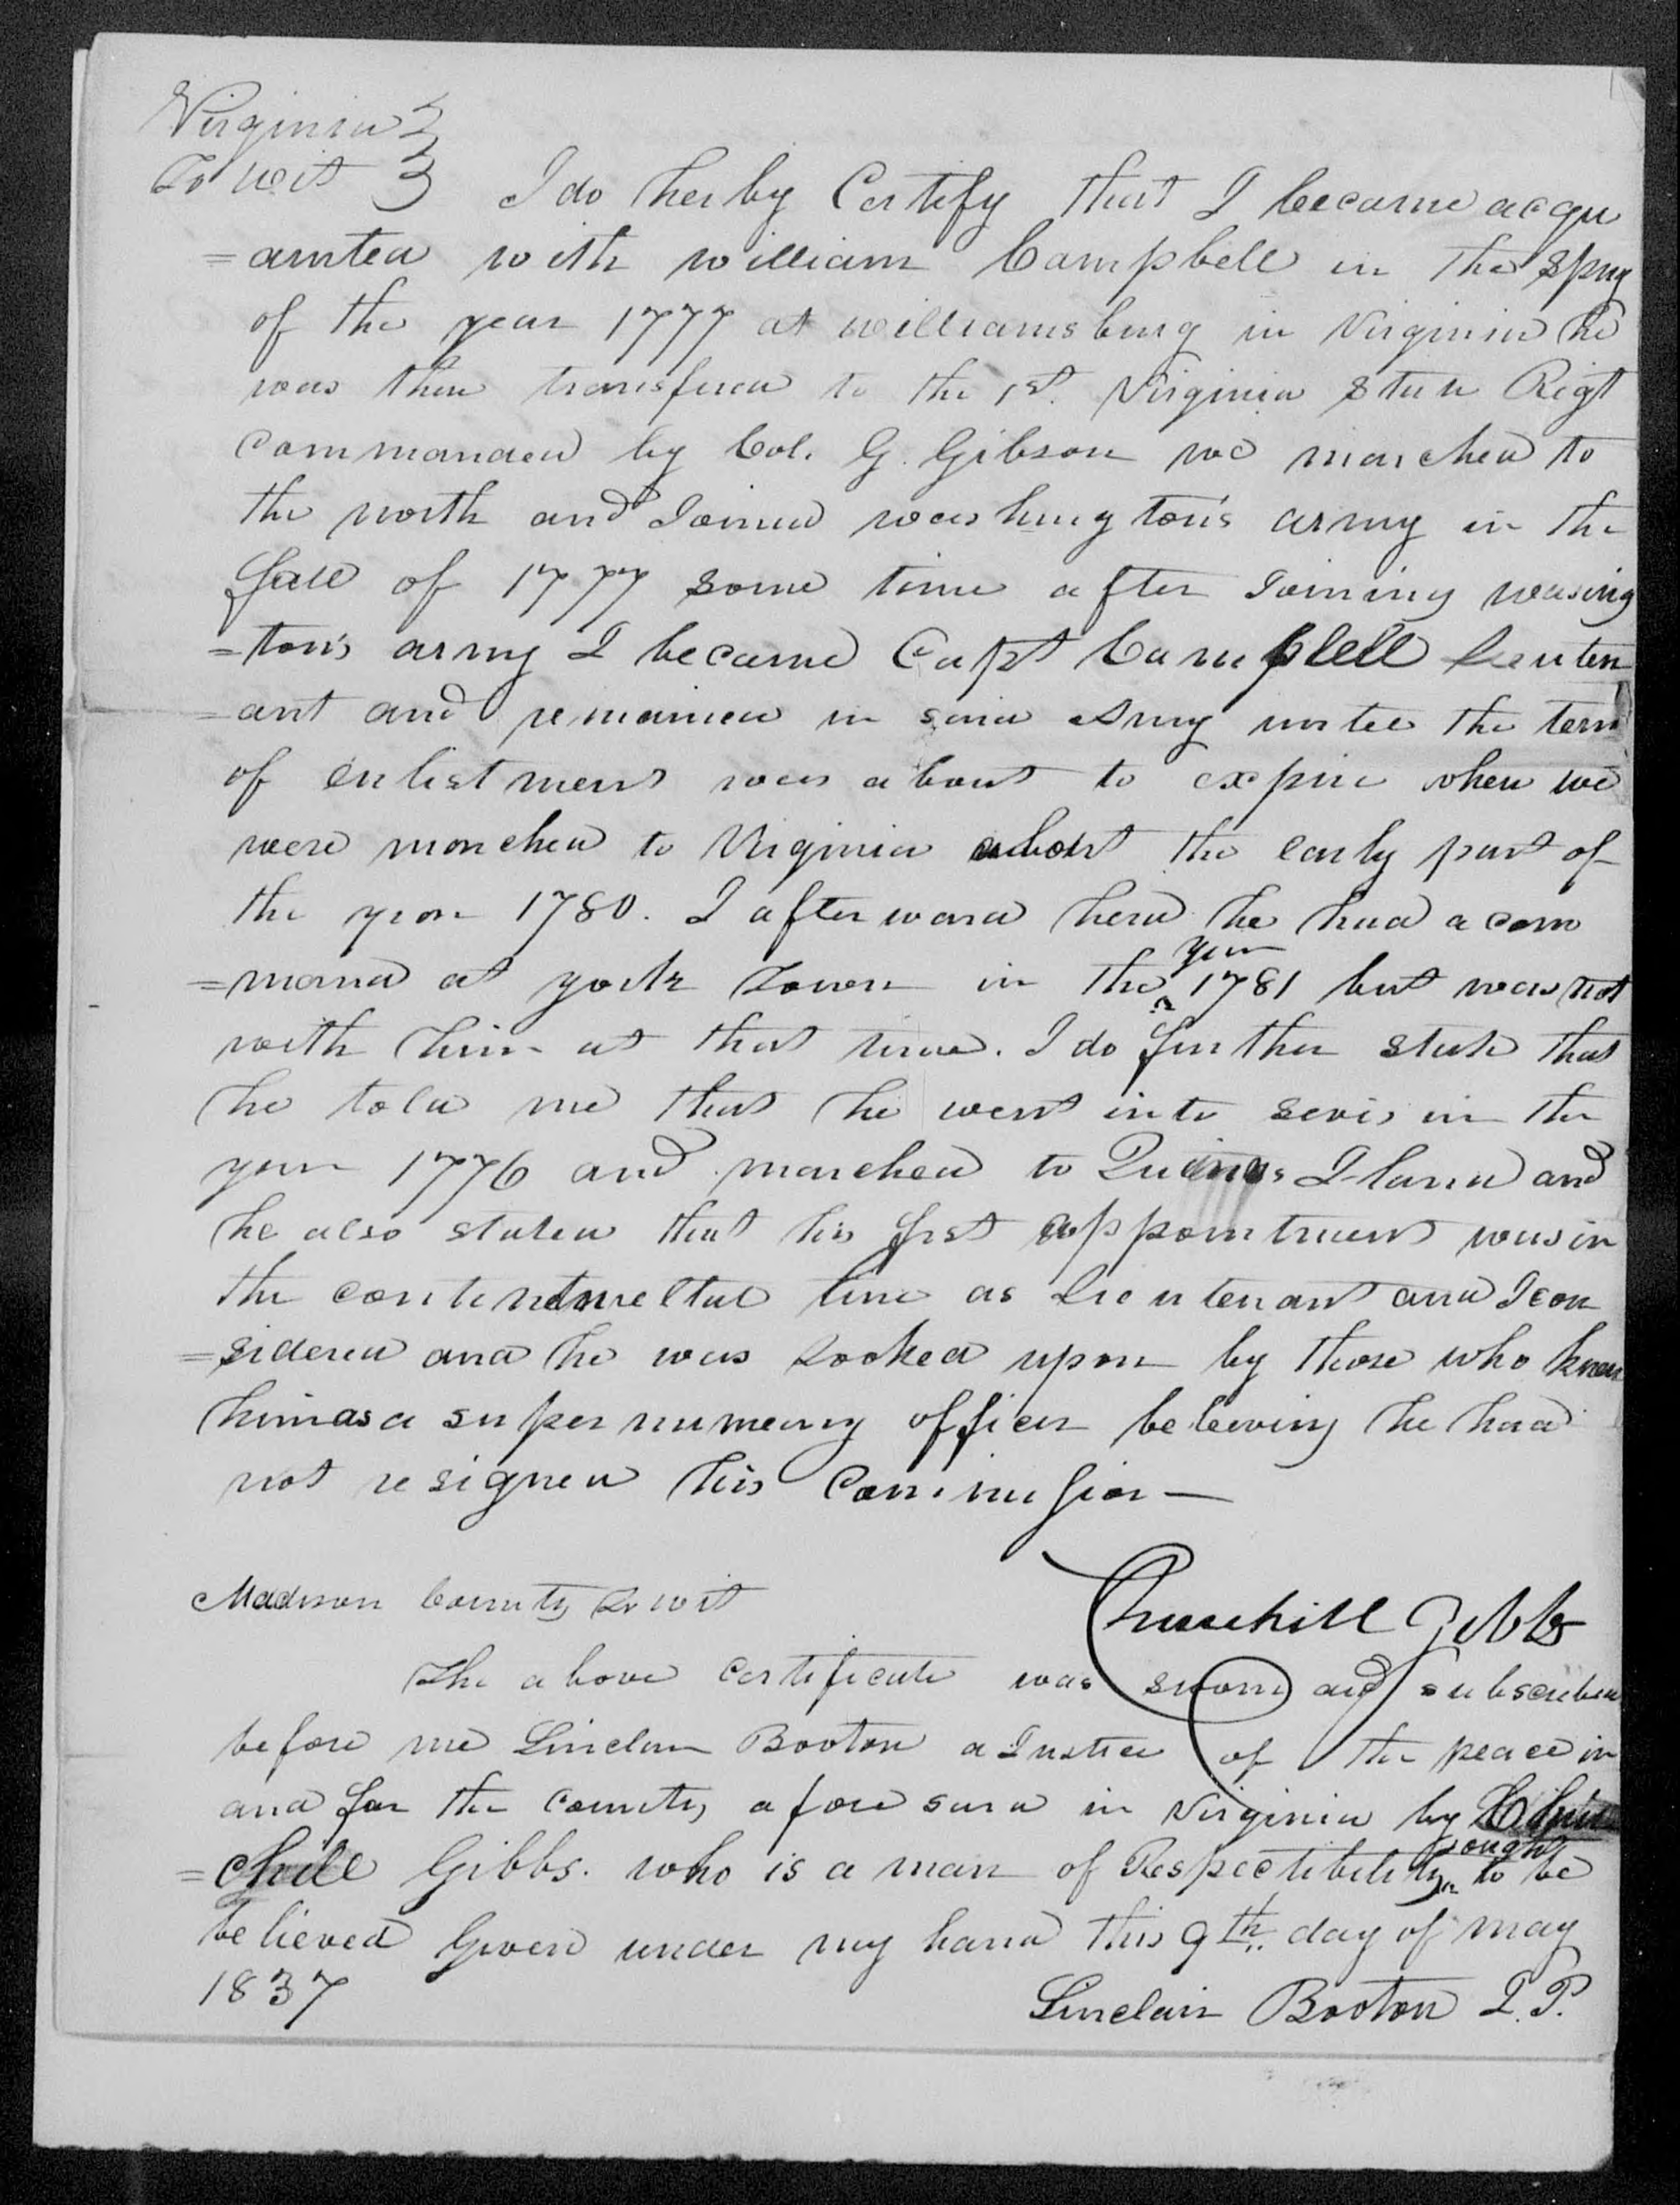Virginia
To wit

I do hereby certify that I became acquainted with William Campbell in the spring of the year 1777 at Williamsburg in Virginia  He was then transferred to the 1st Virginia State Regt. commanded by Col. G. Gibson  we marched to the north and joined Washington's army in the fall of 1777  some time after joining Washington's army I became Capt. Campbell lieutenant and remained in said army until the term of enlistment was about to expire  when we were marched to Virginia about the early part of the year 1780.  I afterward herd he had a command at York Town in the year 1781 but was not with him at that time.  I do further state that he told me thus  he went into sevis in the year 1776 and marched to Queens I-land and he also stated that his first appointment was in the continental line as lieutenant and I considered and he was looked upon by those who knew him as a supernumerary officer believing he had not resigned his commission.
Churchill Gibbs

Madison County to wit
The above certificate was sworn and subscribed before me Sinclair Booton a Justice of the peace in and for the county aforesaid in Virginia by Churchill Gibbs, who is a man of respectibility & ought to be believed.
Given under my hand this 9th day of May 1837
Sinclair Booton J.P.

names: William Campbell, G Gibson, Campbell, Churchill Gibbs, Sinclair Booton, Churchill Gibbs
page: 196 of 267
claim: widow's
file: W. 4,149, William Campbell, Va.